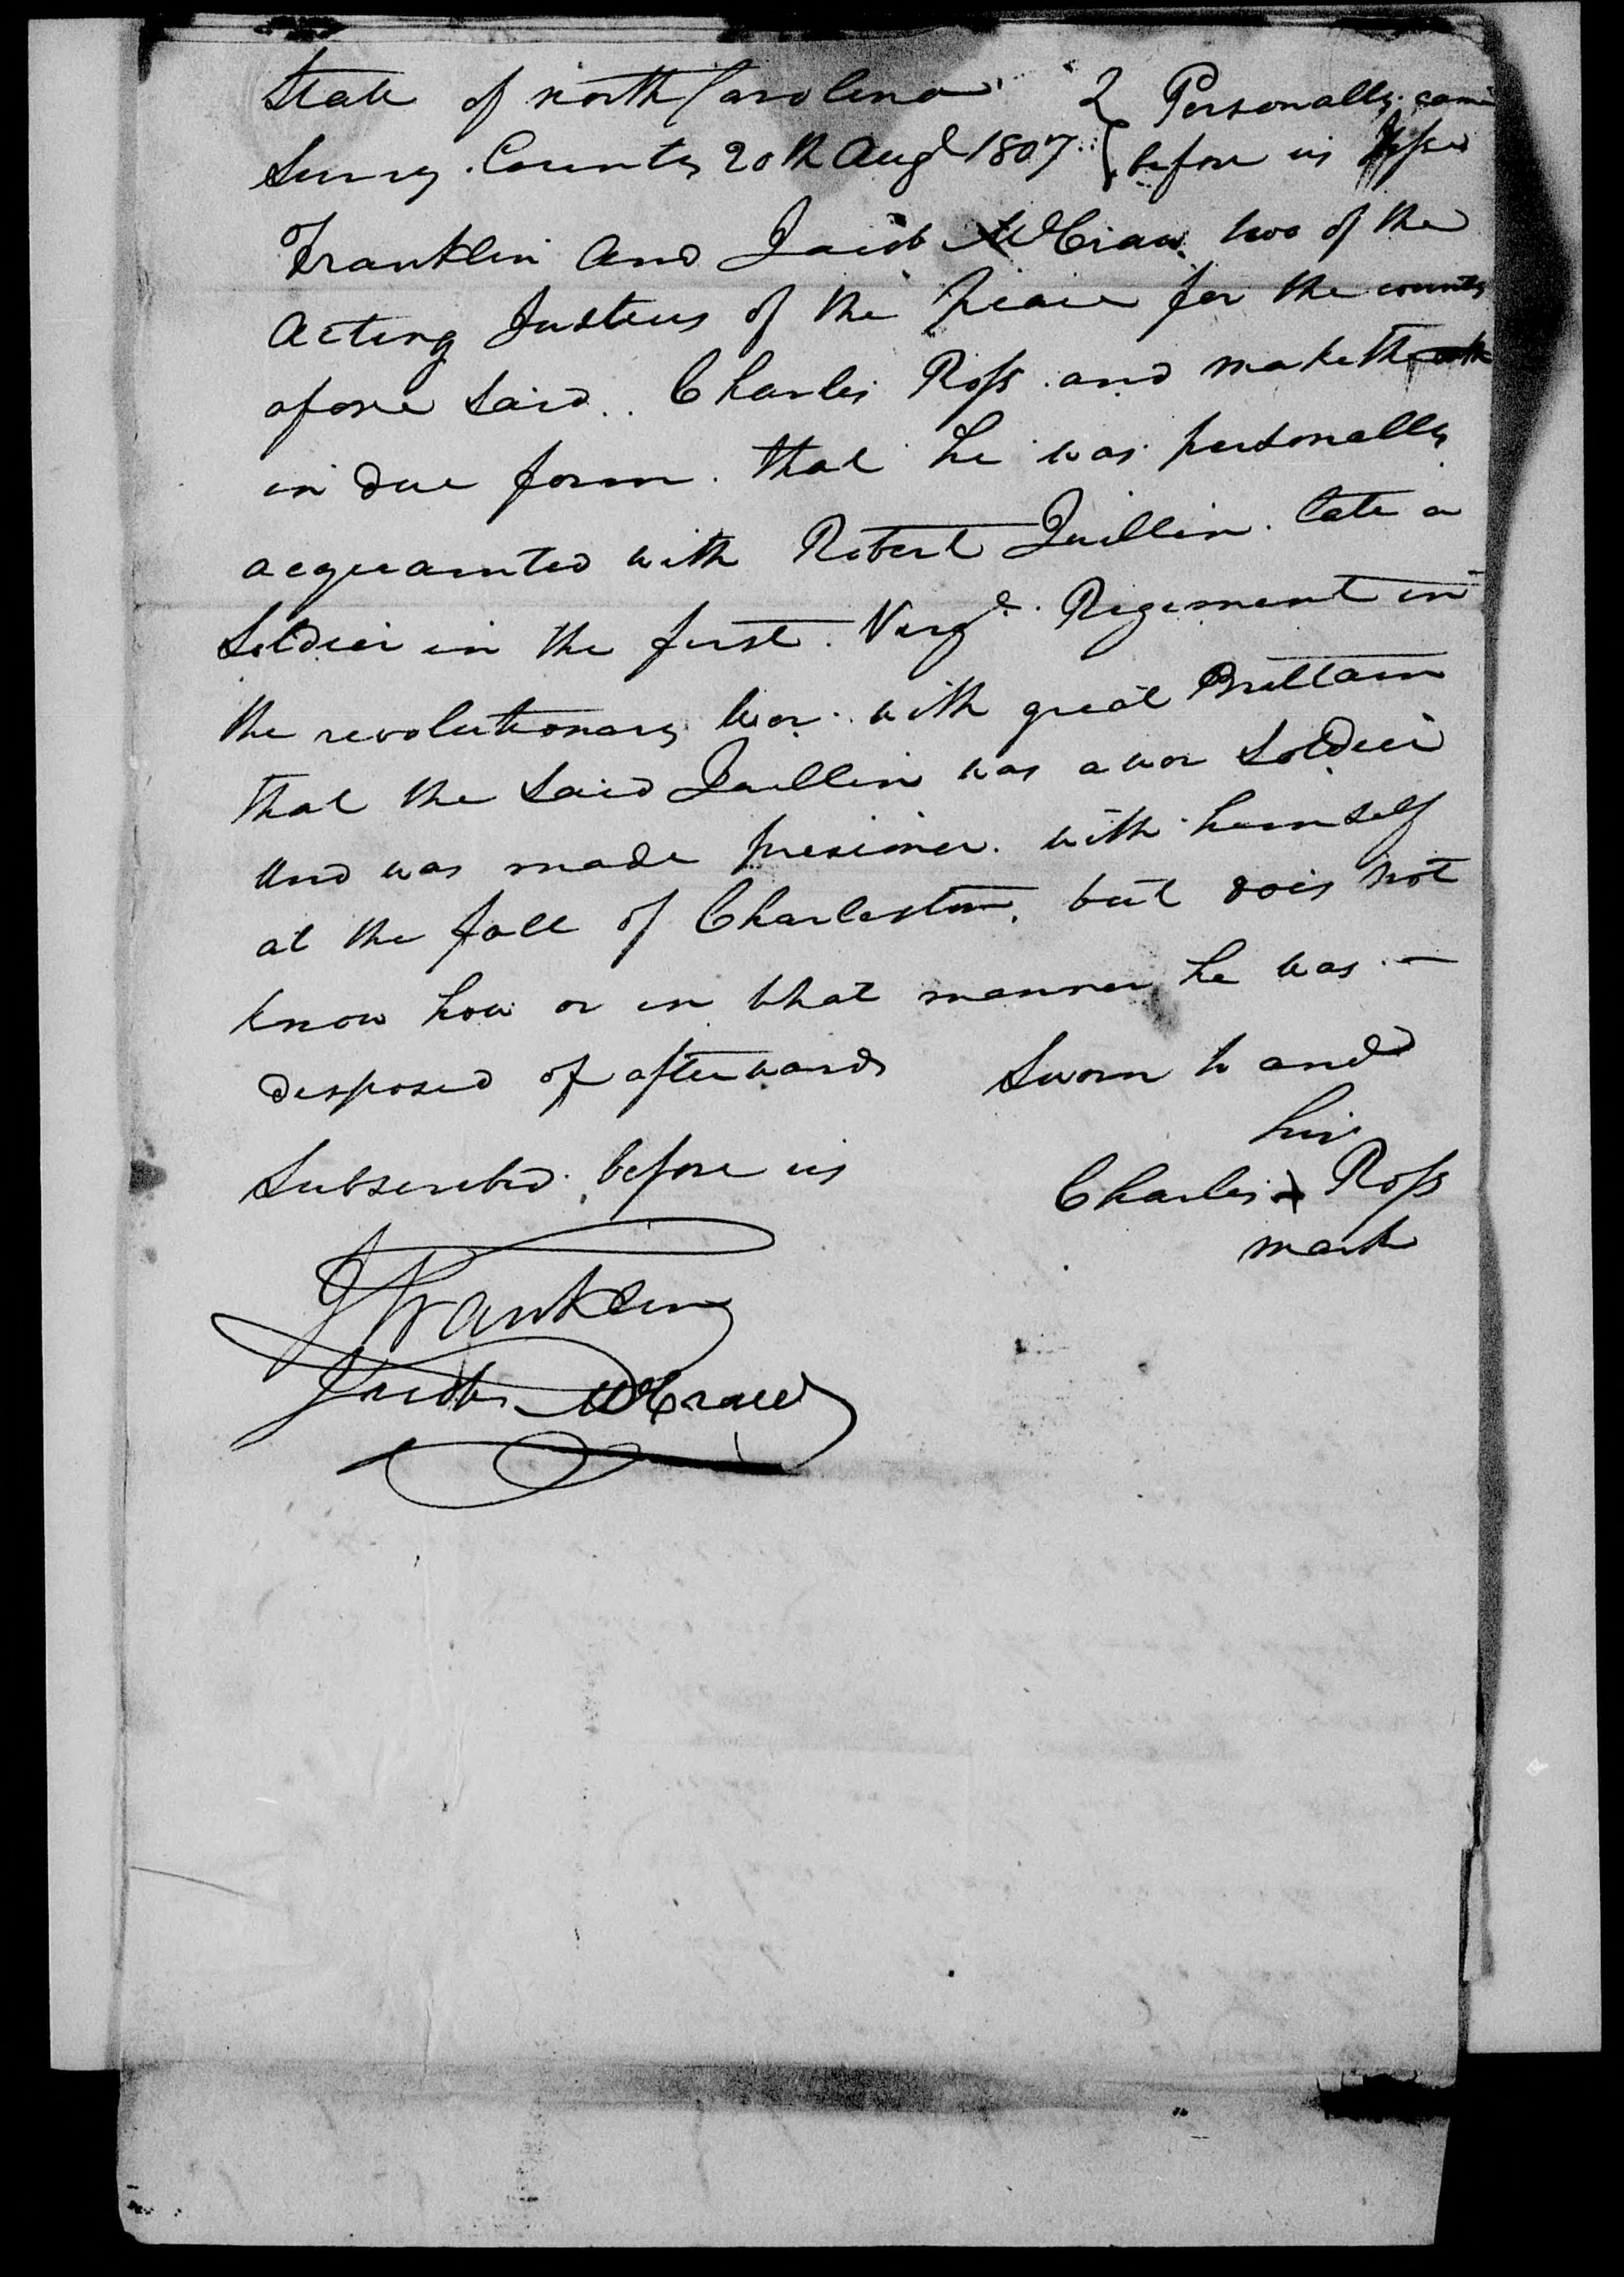State of North Carolina           }  Personally came
Surry County 20th Augt 1807  } before us Jessie
Franklin and Jacob W Craw two of the Acting Justices of the Peace for the county aforesaid.  Charles Ross and maketh oath in due form that he was personally acquainted with Robert Quillin late a Soldier in the first Virga. Regiment in the revolutionary war with great Brittain
That the said Quillin was a war Soldier and was made prisoner with himself at the fall of Charleston, but does not know how or in what manner he was disposed of afterwards

Charles [his X mark] Ross

Sworn to and Subscribed before us
J Franklin
Jacob W Craw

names: J Franklin; Robert Quillin; Charles Ross; Jacob W Craw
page: 6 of 12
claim: bounty land warrant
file: B. L. Wt. 392-100, for Robert Quillin, Virginia